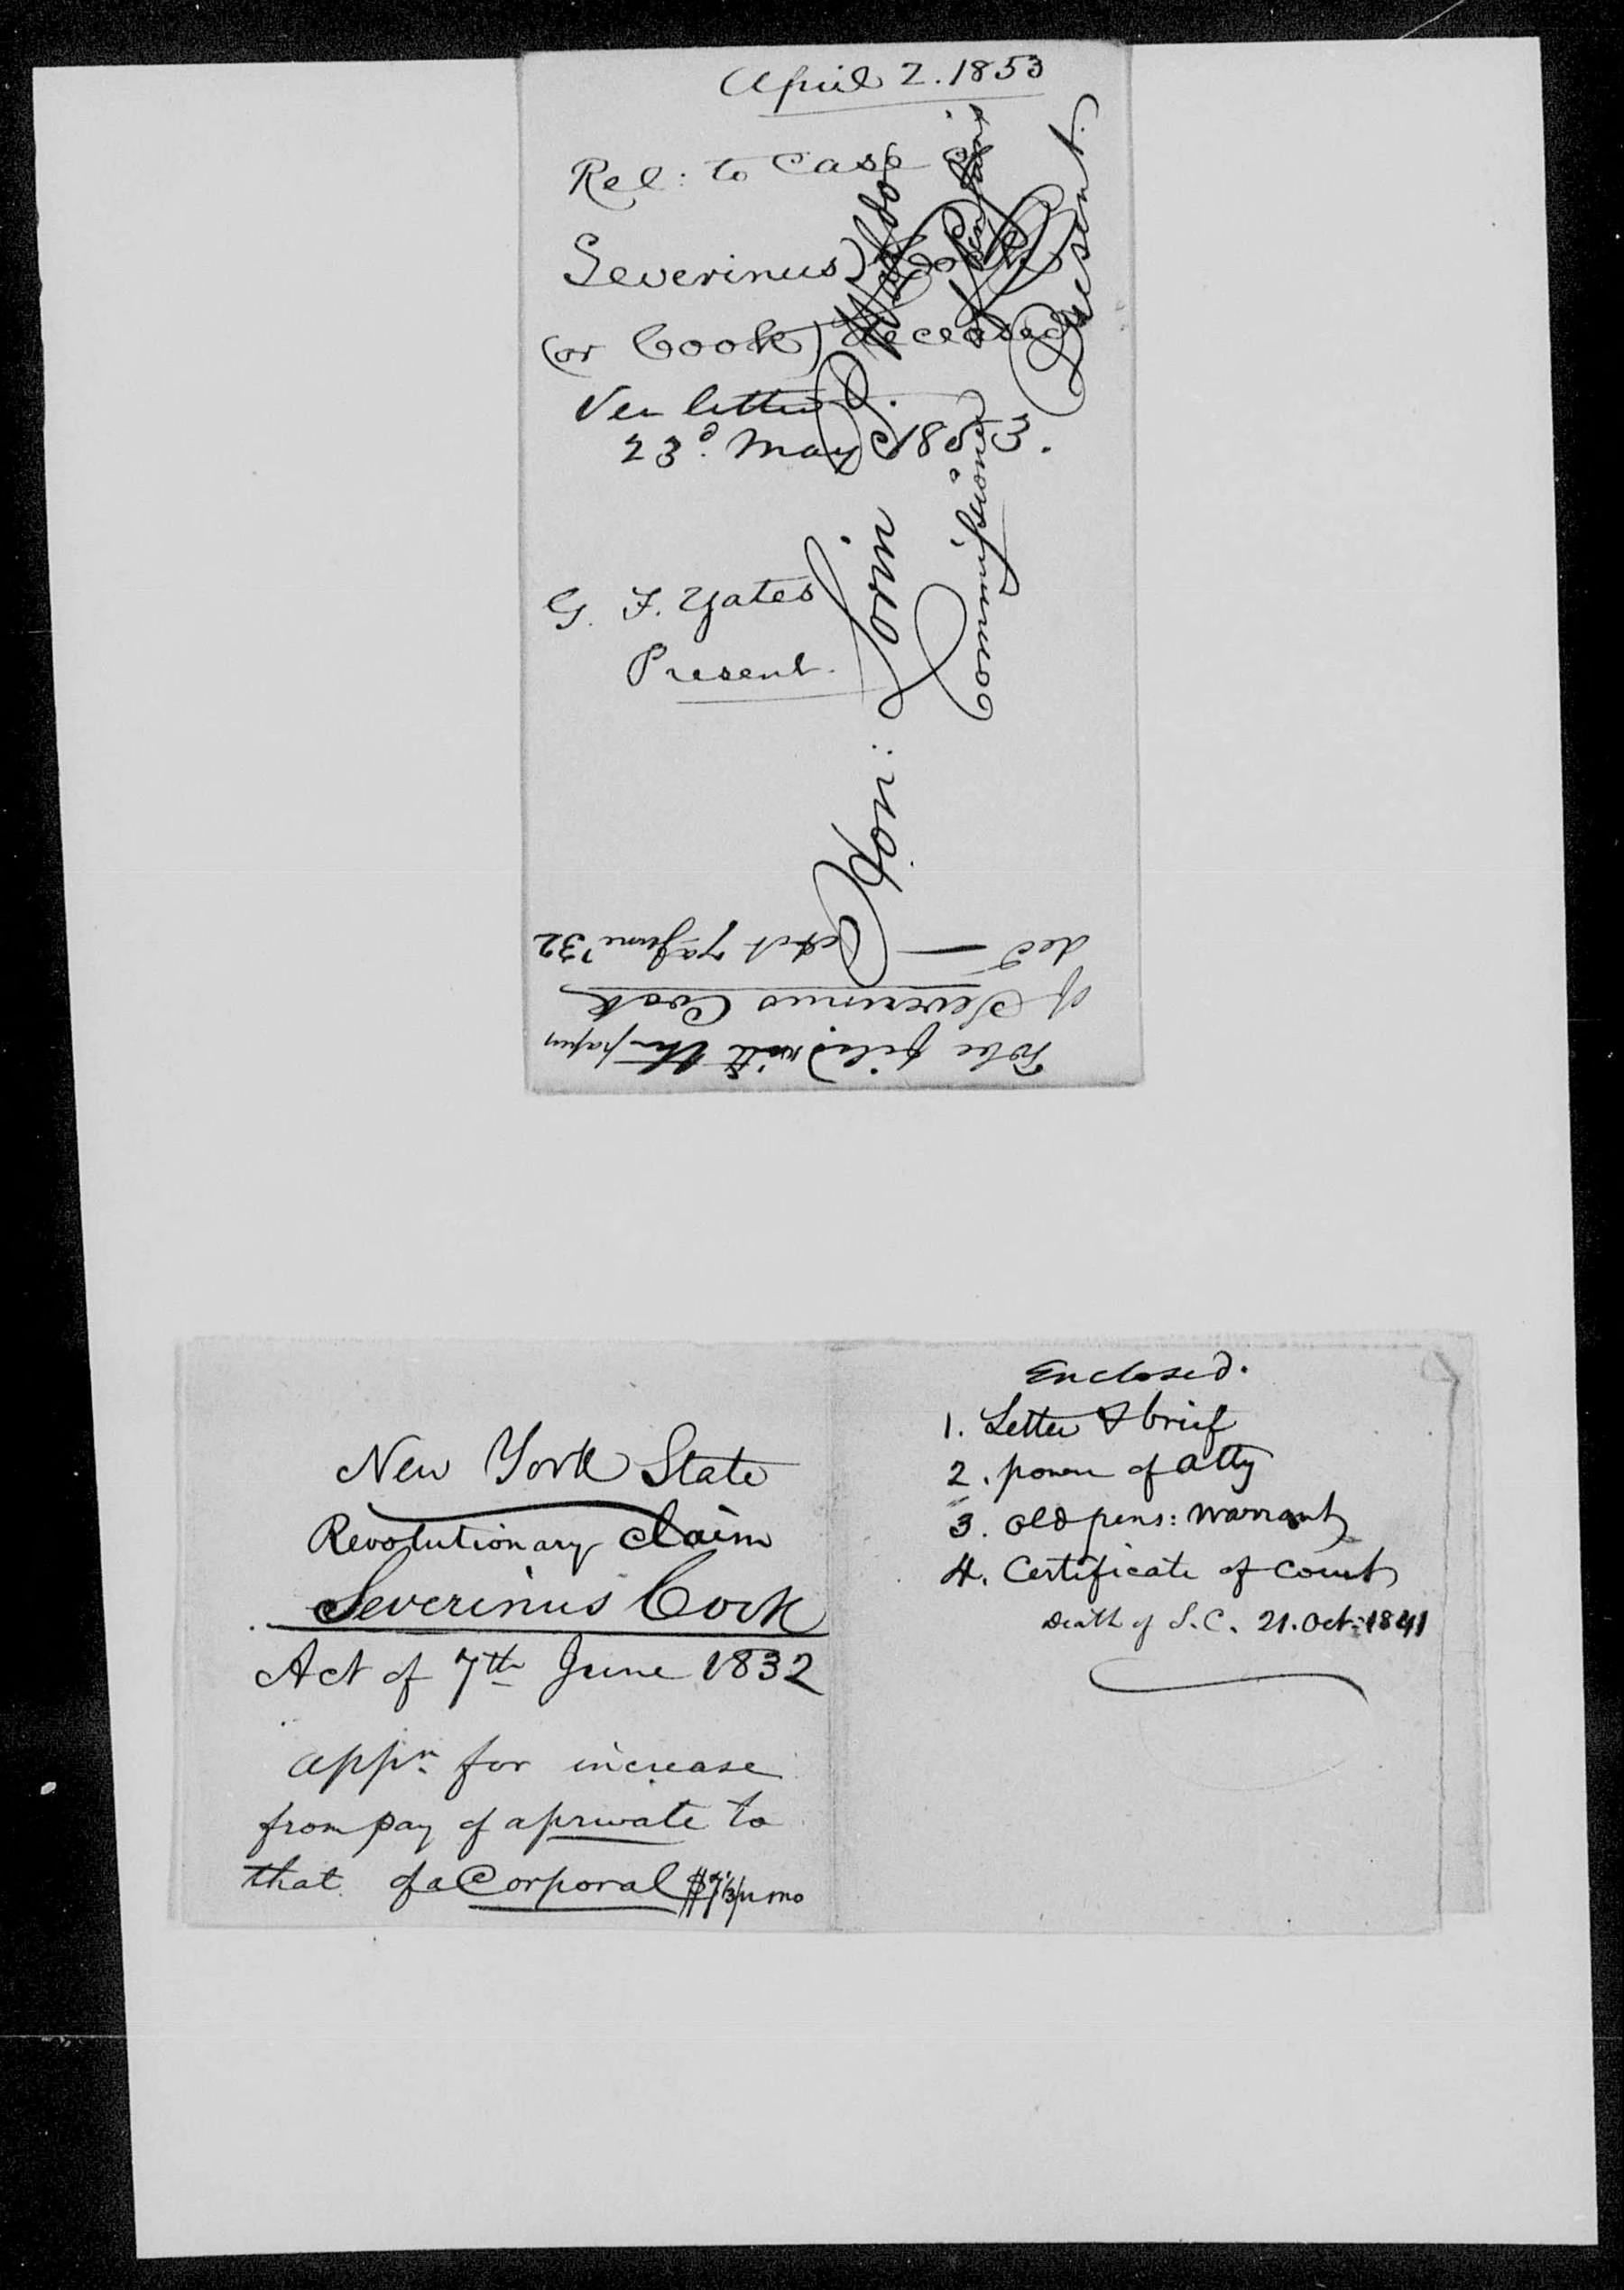April 2. 1853
Rel: to case of Severinus Cock (or Cook) deceased

See letter
23d May 1853
G.F. Yates Present.

To be filed with the papers of Severinus Cook, decd - Act 7 June 1832.

Hon: Lorin P. Waldo
Commissioner of Pensions [illegible]

New York State
Revolutionary claim
Severinus Cook

Act of 7th June 1832
Appr. for increase from pay of a private to
that of Corporal $7 1/3 per mo

Enclosed.
1. Letter & brief
2. power of atty
3 old pens: Warrant
4. Certificate of Court
Death of S.C. 21 Oct 1841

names: G F Yates, Lorin P Waldo, Severinus Cook, Severinus Cook, Severinus Cook, Severinus Cook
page: 25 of 51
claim: survivor's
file: S. 12563, Severinus Cook, New York